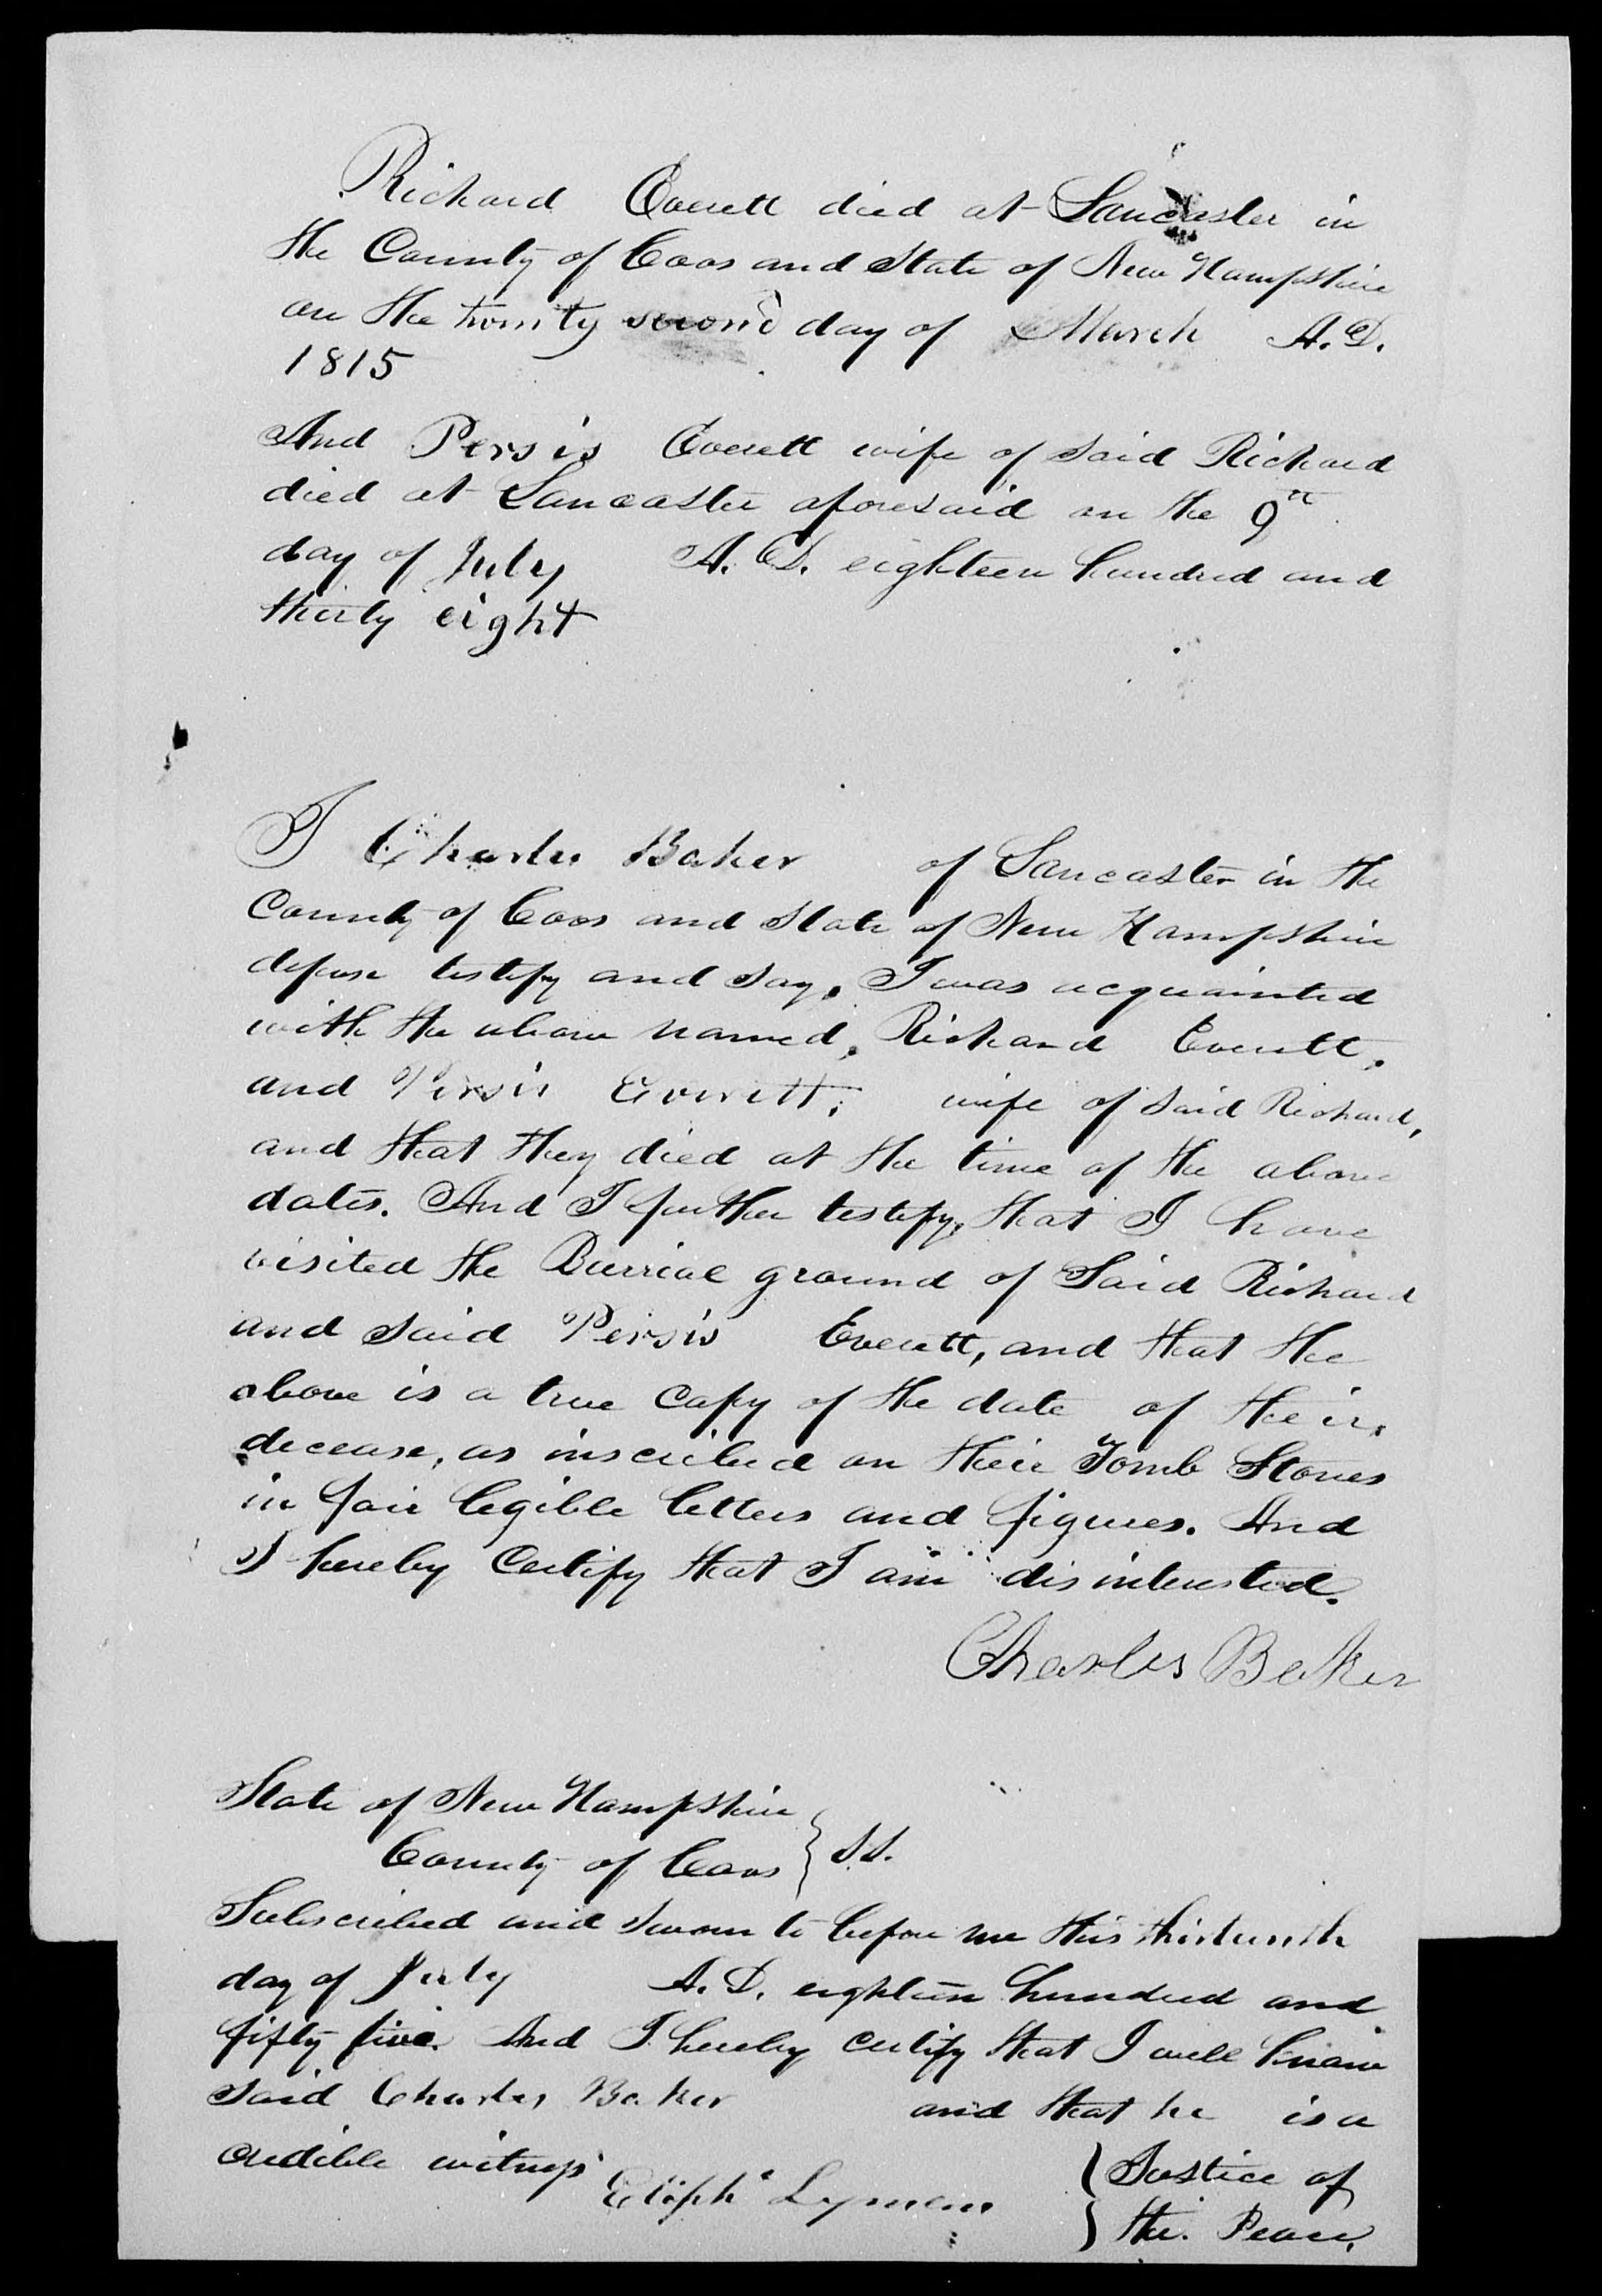Richard Carrell died at Lancaster in
the County of Coos and State of New Hampshire on the twenty second day of March A.D. 1815.

And Persis Everett wife of said Richard
died at Lancaster aforesaid on the 9th
day of July A.D. eighteen hundred and thirty eight.

I Charles Baker of Lancaster in the County of Coos and State of New Hampshire
[illegible] testify and say, I was acquainted with
the above named Richard Everett and
Persis Everett, wife of said Richard,
and that they died at the time of the above
dates. And I further testify that I have
visited the Burial ground of said Richard
and said Persis Everett, and that the
above is a true copy of the date of the
decease, as inscribed on their Tomb Stones
in fair legible letters and figures. And
I hereby certify that I am disinterested
Charles Baker

State of New Hampshire
County of Coos 
Subscribed and sworn to before me this thirteenth day of July A.D. eighteen hundred and fifty five. And I hereby certify that I will [illegible] said Charles Baker
and that he is a credible witness.
 Eliph Lyman
Justice of
the Peace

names: Richard, Charles Baker, Richard, Richard Everett, Persis Everett, Charles Baker, Richard Everett, Richard, Eliph Lyman, Persis Everett, Persis Everett, Charles Baker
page: 42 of 59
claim: widow's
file: W. 23017, Richard Clair Everett, Mass.